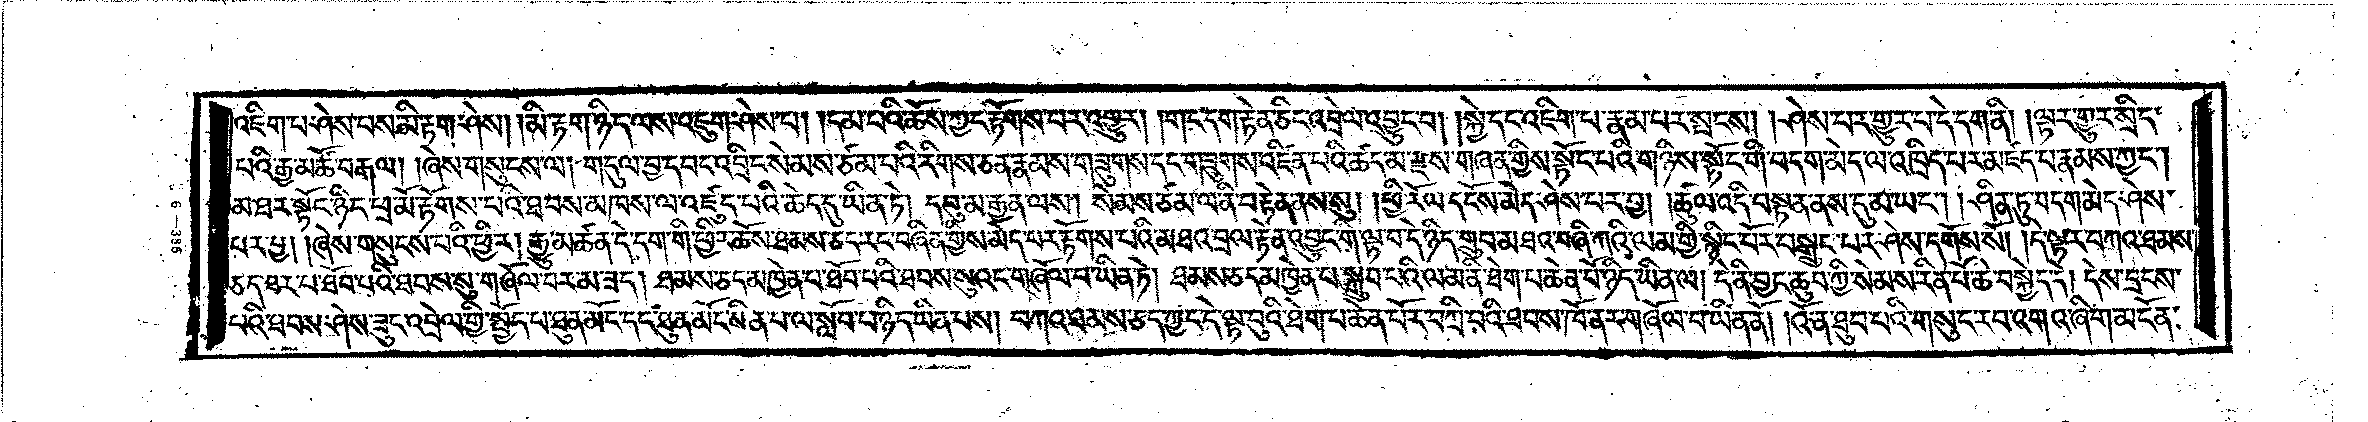འཇིག་པ་ཤེས་པས་མི་རྟག་ཤེས། །མི་རྟག་ཉིད་ལས་འཇུག་ཤེས་པ། །དམ་པའི་ཆོས་ཀྱང་རྟོགས་པར་འགྱུར། །གང་དག་རྟེན་ཅིང་འབྲེལ་འབྱུང་བ། །སྐྱེ་དང་འཇིག་པ་རྣམ་པར་སྤངས། །ཤེས་པར་གྱུར་པ་དེ་དག་ནི། །ལྟར་གྱུར་སྲིད་
པའི་རྒྱ་མཚོ་བརྒལ། །ཞེས་གསུངས་ལ། གདུལ་བྱ་དབང་འབྲིང་སེམས་ཙམ་པའི་རིགས་ཅན་རྣམས་གཟུགས་དང་གཟུགས་འཛིན་པའི་ཚད་མ་རྫས་གཞན་གྱིས་སྟོང་པའི་གཉིས་སྟོང་གི་བདག་མེད་ལ་འཁྲིད་པར་མཛད་པ་རྣམས་ཀྱང་།
མཐར་སྟོང་ཉིང་ཕྲ་མོ་རྟོགས་པའི་ཐབས་མཁས་ལ་འཛུད་པའི་ཆེད་དུ་ཡིན་ཏེ། དབུ་མ་རྒྱན་ལས། སེམས་ཙམ་ལ་ནི་བརྟེན་ནས་སུ། །ཕྱི་རོལ་དངོས་མེད་ཤེས་པར་བྱ། །ཚུལ་འདི་བསྟན་ནས་དུ་མ་ཡང་། །ཤིན་ཏུ་བདག་མེད་ཤེས་
པར་བྱ། །ཞེས་གསུངས་པའི་ཕྱིར། རྒྱུ་མཚན་དེ་དག་གི་ཕྱིར་ཆོས་ཐམས་ཅད་རང་བཞིན་གྱིས་མེད་པར་རྟོགས་པའི་མཐའ་བྲལ་རྟེན་འབྱུང་གི་ལྟ་བ་དེ་ཉིད་གྲུབ་མཐའ་བཞི་ཀའི་ལམ་གྱི་སྙིང་པོར་བསྒྲུབ་པར་ཤེས་དགོས་སོ། །དེ་ལྟར་བཀའ་ཐམས་
ཅད་ཐར་པ་ཐོབ་པའི་ཐབས་སུ་གཞོལ་བར་མ་ཟད། ཐམས་ཅད་མཁྱེན་པ་ཐོབ་པའི་ཐབས་སུའང་གཞོལ་བ་ཡིན་ཏེ། ཐམས་ཅད་མཁྱེན་པ་སྒྲུབ་པའི་ལམ་ནི་ཐེག་པ་ཆེན་པོ་ཉིད་ཡིན་ལ། དེ་ནི་བྱང་ཆུབ་ཀྱི་སེམས་རིན་པོ་ཆེ་བསྐྱེད་དེ། དེས་བྲངས་
པའི་ཐབས་ཤེས་ཟུང་འབྲེལ་གྱི་སྤྱོད་པ་ཐུན་མོང་དང་ཐུན་མོང་སིན་པ་ལ་སློབ་པ་ཉིད་ཡིན་པས། བཀའ་ཐམས་ཅད་ཀྱང་དེ་ལྟ་བུའི་ཐེག་པ་ཆེན་པོར་བཀྲི་བའི་ཐབས་ཁོ་ནར་གཞོལ་བ་ཡིན་ནོ། །འོ་ན་ཐུབ་པའི་གསུང་རབ་འགའ་ཞིག་མངོན་